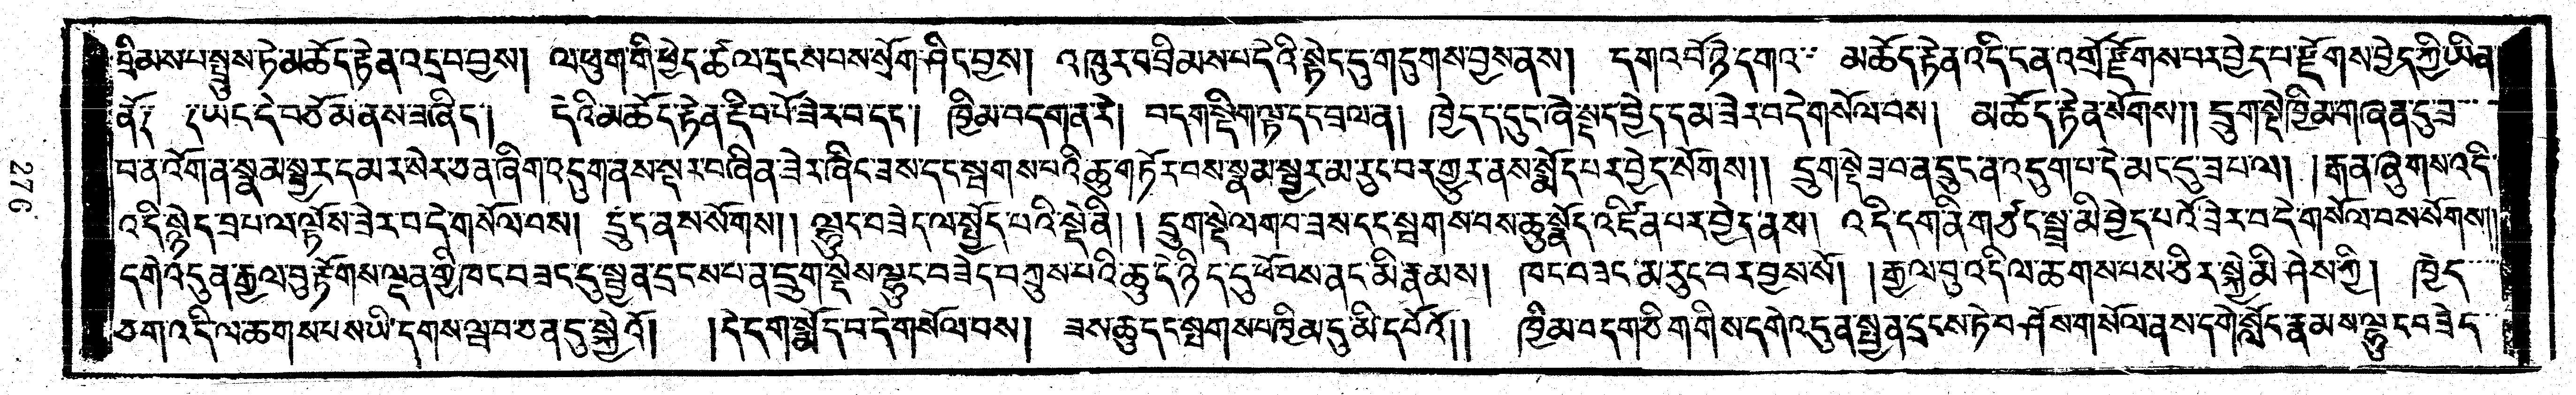བྲིམས་པ་སྤྲུས་ཏེ་མཆོད་རྟེན་འདྲ་བ་བྱས། ལ་ཕུག་གི་ཕྱེད་ཚལ་དྲངས་པས་སྲོག་ཤིང་བྱས། འཁུར་བ་བྲིམས་པ་དེའི་སྟེང་དུ་གདུགས་བྱས་ནས། དགའ་བོ་ཉེ་དགའ་མཆོད་རྟེན་འདི་ངན་འགྲོ་རྫོགས་པར་བྱེད་པ་རྫོགས་བྱེད་ཀྱི་ཡིན་
ནོ༑ ༑ཡང་དེ་བཅོམ་ནས་ཟ་ཞིང་། དེའི་མཆོད་རྟེན་རྡིབ་པོ་ཟེར་བ་དང་། ཁྱིམ་བདག་ན་རེ། བདག་སྡིག་ལྟ་དང་བྲལ་ན། ཁྱེད་ད་དུང་ཞེ་སྡང་བྱེད་དམ་ཟེར་བདེ་གསོལ་བས། མཆོད་རྟེན་སོགས།། དྲུག་སྡེ་ཁྱིམ་གཞན་དུ་ཟ་
བ་ན་འོག་ན་སྣམ་སྦྱར་དམར་སེར་ཅན་ཞིག་འདུག་ནས་སྔར་བཞིན་ཟེར་ཞིང་ཟས་དང་སྦགས་པའི་ཆུ་གཏོར་བས་སྣམ་སྦྱར་མ་རུང་བར་གྱུར་ནས་སྨོད་པར་བྱེད་སོགས།། དྲུག་སྡེ་ཟ་བ་ན་དྲུང་ན་འདུག་པ་དེ་མང་དུ་ཟ་པ་ལ། །རྒན་ཞུགས་འདི་
འདི་སྙེད་བྲ་པ་ལ་ལྟོས་ཟེར་བ་དེ་གསོལ་བས། དྲུང་ནས་སོགས།། ལྷུང་བཟེད་ལ་སྤྱོད་པའི་སྡེ་ནི། །དྲུག་སྡེ་ལག་པ་ཟས་དང་སྦགས་པས་ཆུ་སྣོད་འཛིན་པར་བྱེད་ནས། འདི་དག་ནི་གཙང་སྦྲ་མི་བྱེད་པའོ་ཟེར་བ་དེ་གསོལ་བས་སོགས།།
དགེ་འདུན་རྒྱལ་བུ་རྟོགས་ལྡན་གྱི་ཁང་བཟང་དུ་སྤྱན་དྲངས་པ་ན་དྲུག་སྡེས་ལྷུང་བཟེད་བཀྲུས་པའི་ཆུ་དེ་ཉིད་དུ་ཕོབས་ནང་མི་རྣམས། ཁང་བཟང་མ་རུང་བར་བྱས་སོ། །རྒྱལ་བུ་འདི་ལ་ཆགས་པས་ཅིར་སྐྱེ་མི་ཤེས་ཀྱི། ཁྱེད་
ཅག་འདི་ལ་ཆགས་པས་ཡི་དགས་ཝ་བ་ཅན་དུ་སྐྱེའོ། །དེ་དག་སྨོད་པ་དེ་གསོལ་བས། ཟས་ཆུ་དང་སྦགས་པ་ཁྱིམ་དུ་མི་དབོའོ།། ཁྱིམ་བདག་ཅིག་གིས་དགེ་འདུན་སྤྱན་དྲངས་ཏེ་བཤོས་གསོལ་ནས་དགེ་སློང་རྣམས་ལྷུང་བཟེད་